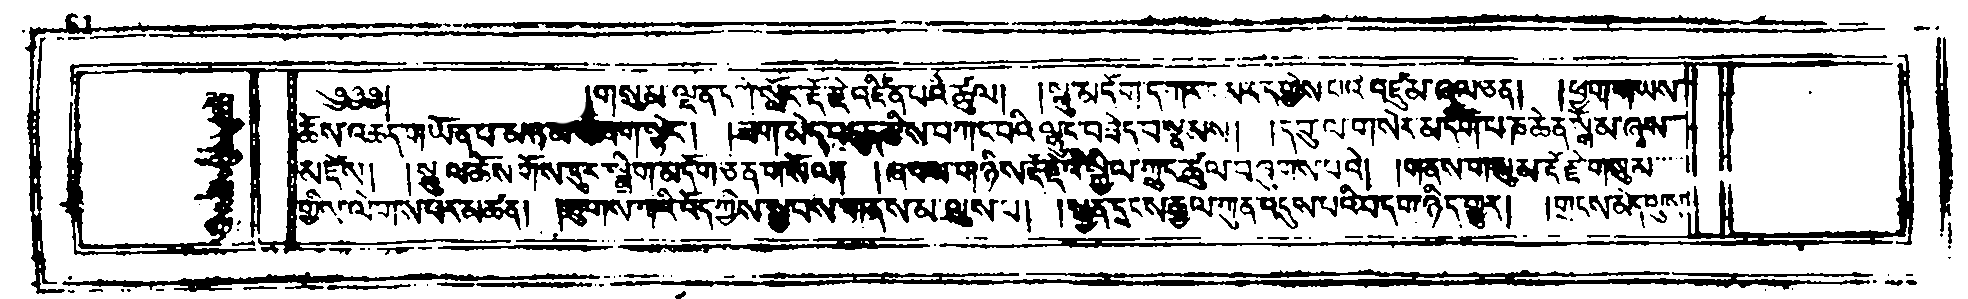༄༅༅། །གསུམ་ལྡན་དགེ་སློང་རྡོ་རྗེ་འཛིན་པའི་ཚུལ། །སྐུ་མདོག་དཀར་དམར་དགྱེས་པའི་འཛུམ་ཞལ་ཅན། །ཕྱག་གཡས་
ཆོས་འཆད་གཡོན་པ་མཉམ་བཞག་སྟེང་། །ཟག་མེད་བདུད་རྩིས་བཀང་བའི་ལྷུང་བཟེད་བསྣམས། །དབུ་ལ་གསེར་མདོག་པཎ་ཆེན་སྒོམ་ཞྭས་
མཛེས། །སྐུ་ལ་ཆོས་གོས་ངུར་སྨྲིག་མདོག་ཅན་གསོལ། །ཞབས་གཉིས་རྡོ་རྗེའི་སྐྱིལ་ཀྲུང་ཚུལ་བཞུགས་པའི། །གནས་གསུམ་རྡོ་རྗེ་གསུམ་
གྱིས་ལེགས་པར་མཚན། །ཐུགས་ཀའི་འོད་ཀྱིས་སྐྱབས་གནས་མ་ལུས་པ། །སྤྱན་དྲངས་རྒྱལ་ཀུན་འདུས་པའི་བདག་ཉིད་གྱུར། །གྲངས་མེད་ལུས་